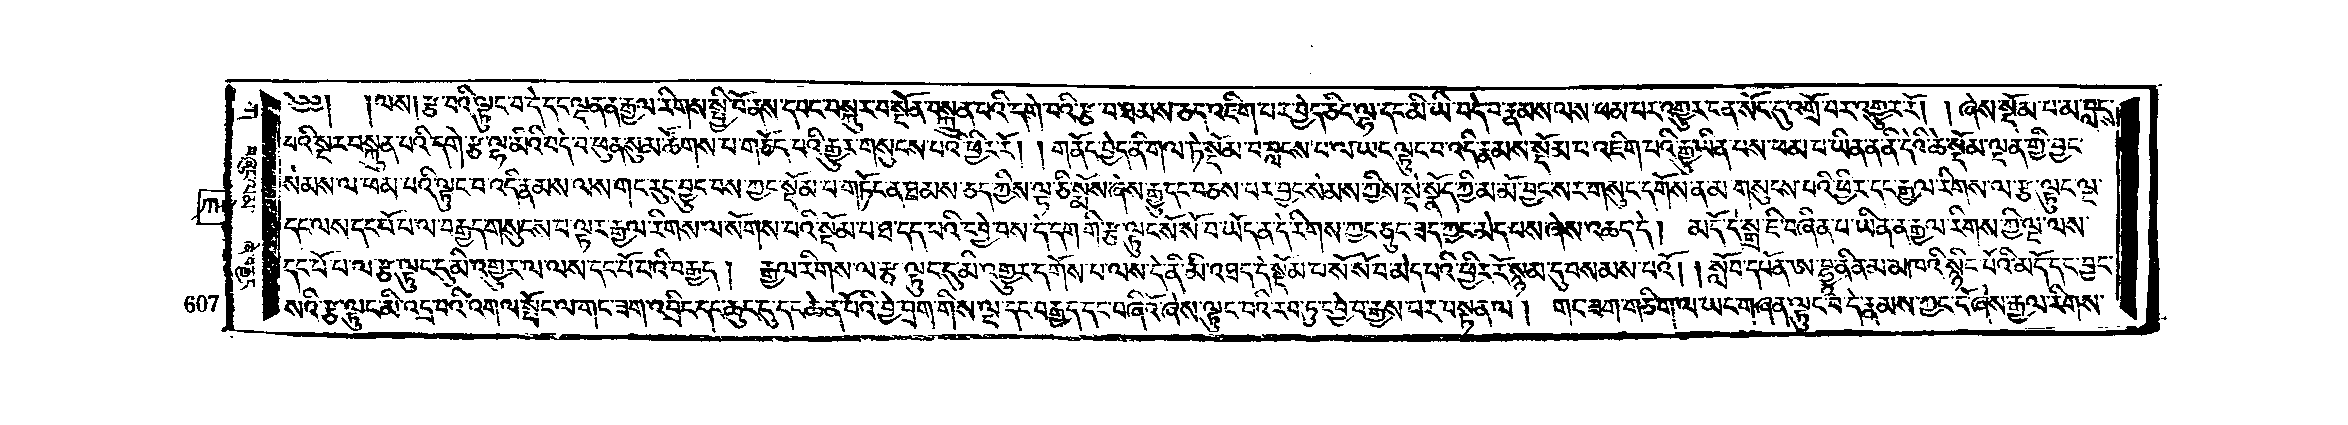༄༅། །ལས། རྩ་བའི་ལྟུང་བ་དེ་དང་ལྡན་ན་རྒྱལ་རིགས་སྤྱི་བོ་ནས་དབང་བསྐུར་བ་སྔོན་བསྐྲུན་པའི་དགེ་བའི་རྩ་བ་ཐམས་ཅད་འཇིག་པར་བྱེད་ཅིང་ལྷ་དང་མི་ཡི་བདེ་བ་རྣམས་ལས་ཕམ་པར་འགྱུར་ངན་སོང་དུ་འགྲོ་བར་འགྱུར་རོ། །ཞེས་སྡོམ་པ་མ་བླངས་
པའི་སྔར་བསྐྲུན་པའི་དགེ་རྩ་ལྷ་མིའི་བདེ་བ་ཕུན་སུམ་ཚོགས་པ་གཅོད་པའི་རྒྱུར་གསུངས་པའི་ཕྱིར་རོ། །གནོད་བྱེད་ནི་གལ་ཏེ་སྡོམ་པ་བླངས་པ་ལ་ཡང་ལྟུང་བ་འདི་རྣམས་སྡོམ་པ་འཇིག་པའི་རྒྱུ་ཡིན་པས་ཕམ་པ་ཡིན་ན་ནི་དེའི་ཆེ་སྡོམ་ལྡན་གྱི་བྱང་
སེམས་ལ་ཕམ་པའི་ལྟུང་བ་འདི་རྣམས་ལས་གང་རུང་བྱུང་བས་ཀྱང་སྡོམ་པ་གཏོང་ན་ཐམས་ཅད་ཀྱིས་ལྟ་ཅི་སྨོས་ཞེས་རྒྱུ་དང་བཅས་པར་བྱང་སེམས་ཀྱིས་སྡེ་སྣོད་ཀྱི་མ་མོ་བྱང་སར་གསུང་དགོས་ན་མ་གསུངས་པའི་ཕྱིར་དང་རྒྱལ་རིགས་ལ་རྩ་ལྟུང་ལྔ་
དང་ལས་དང་པོ་པ་ལ་བརྒྱད་གསུངས་པ་ལྟར་རྒྱལ་རིགས་ལ་སོགས་པའི་སྡོམ་པ་ཐ་དད་པའི་དབྱེ་བས་དེ་དག་གི་རྩ་ལྟུང་སོ་སོ་བ་ཡོད་ན་དེ་རིགས་ཀྱང་ཅུང་ཟད་ཀྱང་མེད་པས་ཞེས་འཆད་དེ། མདོ་དེ་སྒྲ་ཇི་བཞིན་པ་ཡིན་ན་རྒྱལ་རིགས་ཀྱི་ལྔ་ལས་
དང་པོ་པ་ལ་རྩ་ལྟུང་དུ་མི་འགྱུར་ལ་ལས་དང་པོ་པའི་བརྒྱད། རྒྱལ་རིགས་ལ་རྩ་ལྟུང་དུ་མི་འགྱུར་དགོས་པ་ལས་དེ་ནི་མི་འཐད་དེ་སྡོམ་པ་སོ་སོ་བ་མེད་པའི་ཕྱིར་རོ་སྙམ་དུ་བསམས་པའོ། །སློབ་དཔོན་ཨ་བྷྱཱ་ནི་ནམ་མཁའི་སྙིང་པོའི་མདོ་དང་བྱང་
སའི་རྩ་ལྟུང་མི་འདྲ་བའི་འགལ་སྤོང་ལ་གང་ཟག་འབྲིང་དང་ཆུང་ངུ་དང་ཆེན་པོའི་བྱེ་བྲག་གིས་ལྔ་དང་བརྒྱད་དང་བཞིའོ་ཞེས་ལྟུང་བའི་རབ་ཏུ་དབྱེ་བ་རྒྱས་པར་བསྟན་ལ། གང་ཟག་གཅིག་ལ་ཡང་གཞན་ལྟུང་བ་དེ་རྣམས་ཀྱང་ངོ་ཞེས་རྒྱལ་རིགས་